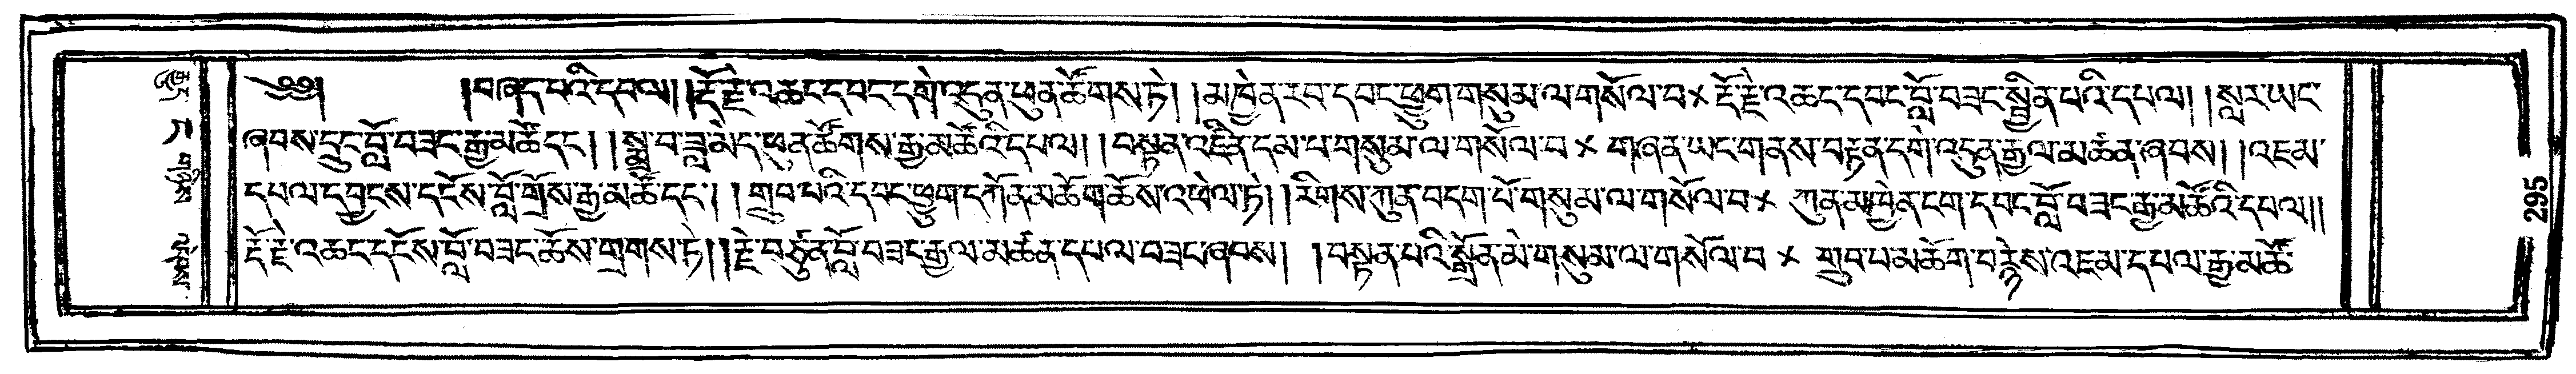༄༅། །བཞད་པའི་དཔལ། །རྡོ་རྗེ་འཆང་དབང་དགེ་འདུན་ཕུན་ཚོགས་ཏེ། །མཁྱེན་རབ་དབང་ཕྱུག་གསུམ་ལ་གསོལ་བ་{྾}་རྡོ་རྗེ་འཆང་དབང་བློ་བཟང་སྦྱིན་པའི་དཔལ། །སླར་ཡང་
ཞབས་དྲུང་བློ་བཟང་རྒྱ་མཚོ་དང་། །སྨྲ་བ་ཟླ་མེད་ཕུན་ཚོགས་རྒྱ་མཚོའི་དཔལ། །བསྟན་འཛིན་དམ་པ་གསུམ་ལ་གསོལ་བ་{྾}་གཞན་ཡང་གནས་བརྟན་དགེ་འདུན་རྒྱལ་མཚན་ཞབས། །འཇམ་
དཔལ་དབྱངས་དངོས་བློ་གྲོས་རྒྱ་མཚོ་དང་། །གྲུབ་པའི་དབང་ཕྱུག་དཀོན་མཆོག་ཆོས་འཕེལ་ཏེ། །རིགས་ཀུན་བདག་པོ་གསུམ་ལ་གསོལ་བ་{྾}་ཀུན་མཁྱེན་ངག་དབང་བློ་བཟང་རྒྱ་མཚོའི་དཔལ།།
རྡོ་རྗེ་འཆང་དངོས་བློ་བཟང་ཆོས་གྲགས་ཏེ། །རྗེ་བཙུན་བློ་བཟང་རྒྱལ་མཚན་དཔལ་བཟང་ཞབས། །བསྟན་པའི་སྒྲོན་མེ་གསུམ་ལ་གསོལ་བ་{྾}་གྲུབ་པ་མཆོག་བརྙེས་འཇམ་དཔལ་རྒྱ་མཚོ་